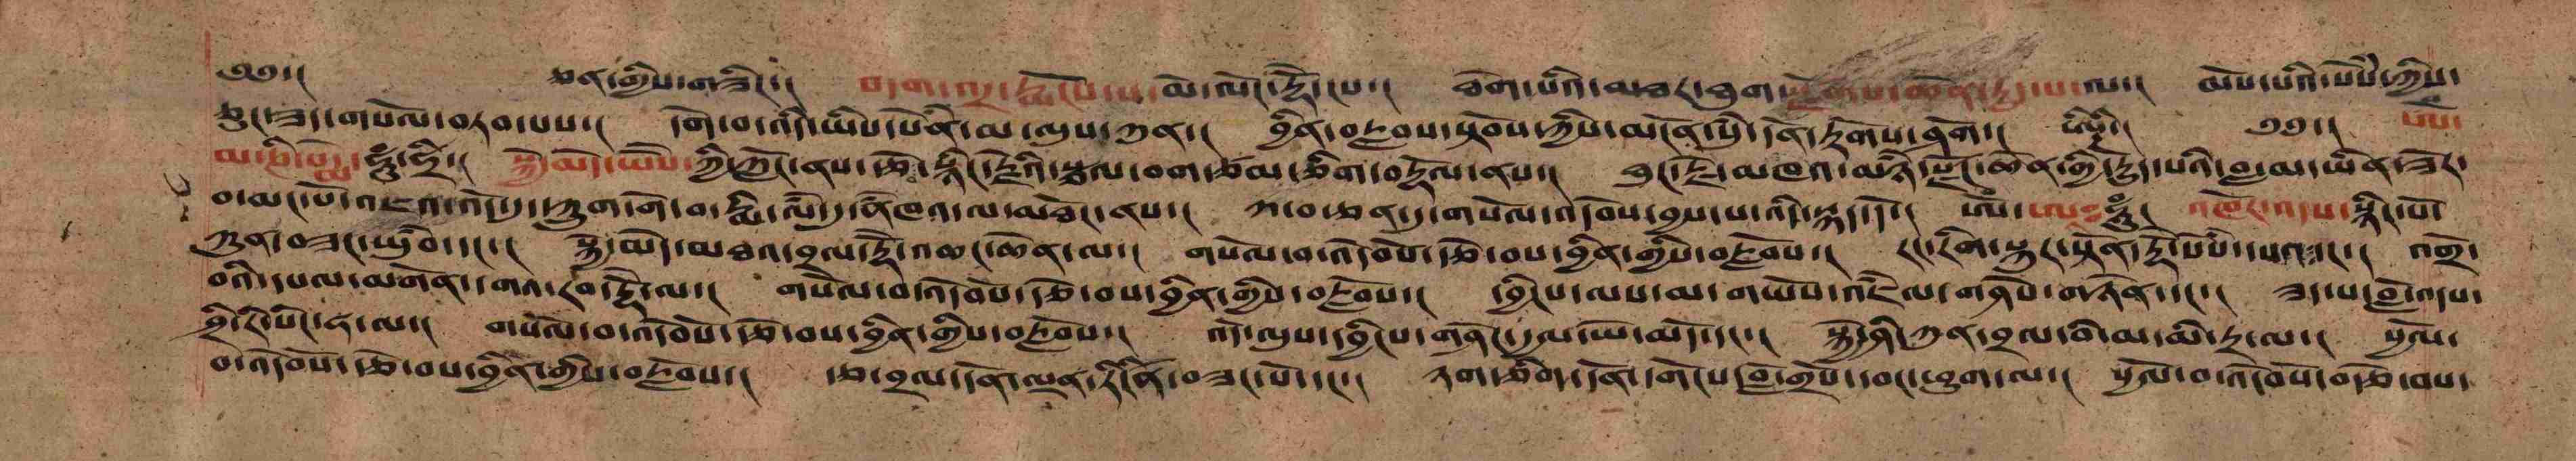༄༅་། ཅན་གྱིས་གཟིགས། བདག་འདྲ་རྨོངས་པ་མེ་ལོང་རྡོ་རྗེ་ངས། ཐེག་པའི་མཐར་ཐུགས་རྫོགས་ཆེན་རྒྱུད་པ་ལ། མོས་པའི་སེམས་ཀྱིས་
ཅུང་ཟད་གསོལ་བཏབ་པས། དགེ་བ་འདི་ཡིས་སེམས་ཅན་མ་ལུས་ཀུན། བྱིན་བརླབས་སྟོབས་ཀྱིས་མངོན་སུཾ་དོན་རྟོགས་ཤོག། ཨྚིི་། ༄༅་། ཨོཾ་
མ་ཎི་པདྨེ་ཧཱུཾ་ཧྲི་། སྐྱེ་མེད་ཡེ་ཤེས་ཀྱི་ཀློང་ནས་རྩེས་སྙིང་རྗེའི་སྦལ་བག་ཙམ་ཅིག་བརྡོལ་ནས། ཐུགས་རྗེ་མཁའ་མཉམ་རྫོགས་ཆེན་གྱི་རྒྱུད་པའི་བླ་མ་ཡིན་ཟེར་
བ་མང་པོ་འཇའ་འོད་དུ་ཀྲུག་གོ་བ་རྨི་ལམ་དུ་ནམ་མཁའ་ལ་མཐོང་ནས། ཀ་བ་ཅན་དུ་གསོལ་འདེབས་བྱས་པ་འདི་སྐད་དོ། ཨོཾ་ཨཿཧཱུཾ། འཁོར་འདས་སྙིང་པོ་
ཀུན་བཟང་ཡབ་ཡུམ་དང་། སྐྱེ་མེད་མཐའ་བྲལ་རྡོ་རྗེ་འཆང་ཆེན་ལ། གསོལ་བ་འདེབས་སོ་རྩེ་བས་བྱིས་གྱིས་བརློབས། རང་རིག་སྐུར་སྟོན་རྡོ་རྗེ་སེམས་དཔའ་དང་། འགྲོ་
བའི་དཔལ་མགོན་དགའ་རབ་རྡོ་རྗེ་ལ། གསོལ་བ་འདེབས་སོ་རྩེ་བས་བྱིན་གྱིས་བརློབས། དབྱིངས་ལས་མ་གཡོས་འཇིལ་བཤེས་གཉེན་དང་། ཟད་པ་བློ་འདས་
ཤྲི་རི་སེང་ཧ་ལ། གསོལ་བ་འདེབས་སོ་རྩེ་བས་བྱིན་གྱིས་བརློབས། འོད་ལུས་དབྱིངས་གཤེགས་རྒྱལ་ཡོ་མདོ་དང་། སྐྱེ་ཤི་ཀུན་བྲལ་བི་མ་མི་ཏྲ་ལ། གསོལ་
བ་འདེབས་སོ་རྩེ་བས་བྱིན་གྱིས་བརློབས། རྩ་བྲལ་དོན་ལྡན་ཏིང་འཛིན་བཟང་པོ་དང་། ཉག་གཅིག་དོན་དགོངས་བློ་གྲོས་དབང་ཕྱུག་ལ། གསོལ་བ་འདེབས་སོ་རྩེ་བས་